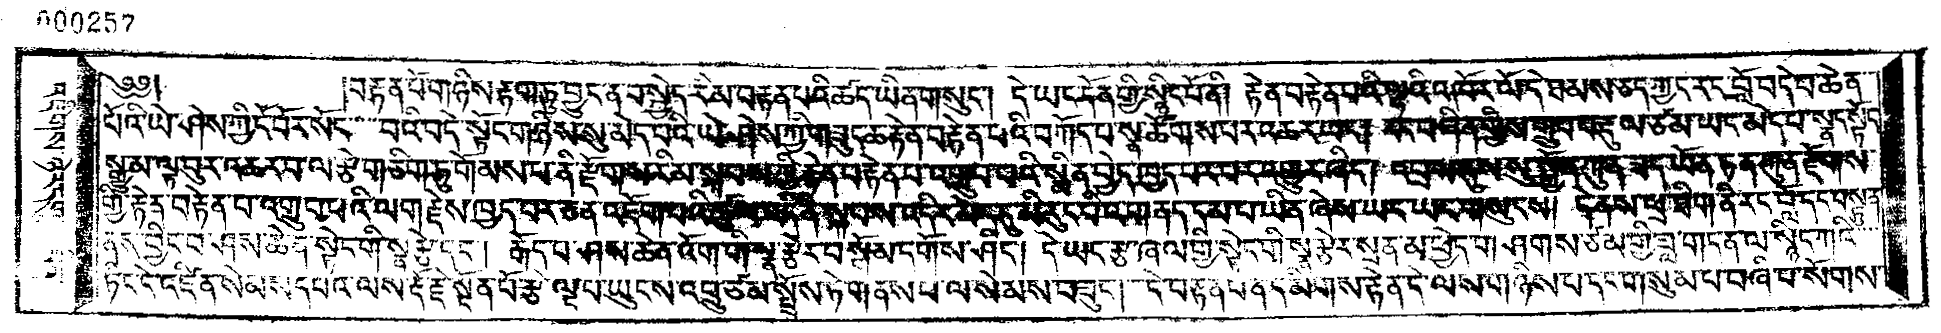༄༅། །བརྟན་པོ་གཉིས་རྟག་ཏུ་བྱུང་ན་བསྐྱེད་རིམ་བརྟན་པའི་ཚད་ཡིན་གསུང་། དེ་ཡང་དོན་གྱི་སྙིང་པོ་ནི། རྟེན་བརྟེན་པའི་ལྷའི་འཁོར་ལོ་དེ་ཐམས་ཅད་ཀྱང་རང་བློ་བདེ་བ་ཆེན་
པོའི་ཡེ་ཤེས་ཀྱི་ངོ་བོར་སོང་བའི་བདེ་སྟོང་གཉིས་སུ་མེད་པའི་ཡེ་ཤེས་ཀྱི་གཟུང་ཆ་རྟེན་བརྟེན་པའི་བཀོད་པ་སྣ་ཚོགས་པར་འཆར་ཡང་། རང་བཞིན་གྱིས་གྲུབ་བརྡུལ་ཙམ་ཡང་མེད་པ་སྣང་སྟོང་
སྒྱུ་མ་ལྟ་བུར་འཆར་བ་ལ་རྩེ་གཅིག་ཏུ་གོམས་པ་ནི་རྫོགས་རིམ་སྐབས་ཀྱི་རྟེན་བརྟེན་པ་འགྲུབ་པའི་སྨིན་བྱེད་ཁྱད་པར་པར་འགྱུར་ཞིང་། འབྲས་དུས་སུ་སྐྱོན་ཀུན་ཟད་ཡོན་ཏན་ཀུན་རྫོགས་
གྱི་རྟེན་བརྟེན་པ་འགྲུབ་པའི་ལག་རྗེས་ཁྱད་པར་ཅན་འཇོག་པའི་ཚུལ་འདི་ནི་སྐབས་འདིར་མེད་དུ་མི་རུང་བའི་གནད་དམ་པ་ཡིན་ཞེས་ཡང་ཡང་གསུངས། དེ་ནས་ཕྲ་ཐིག་ནི་རང་བློ་དང་བསྟུན་
ནས་བྱིང་བ་ཤས་ཆེན་སྟེང་གི་སྣ་རྩེ་དང་། རྒོད་པ་ཤས་ཆེན་འོག་གི་སྣ་རྩེར་བསྒོམ་དགོས་ཤིང་། དེ་ཡང་རྩ་ཞལ་གྱི་སྟེང་གི་སྣ་རྩེར་སྲན་མ་ཕྱེད་གཤགས་ཙམ་གྱི་ཟླ་གདན་ལ་སྙིང་ཀའི་
ཏིང་ངེ་འཛིན་སེམས་དཔའ་ལས་རྡོ་རྗེ་སྔོན་པོ་རྩེ་ལྔ་པ་ཡུངས་འབྲུ་ཙམ་སྤྲོས་ཏེ་གནས་པ་ལ་སེམས་བཟུང་། དེ་བརྟན་པ་ན་དམིགས་རྟེན་དེ་ལས་གཉིས་པ་དང་གསུམ་པ་བཞི་པ་སོགས་